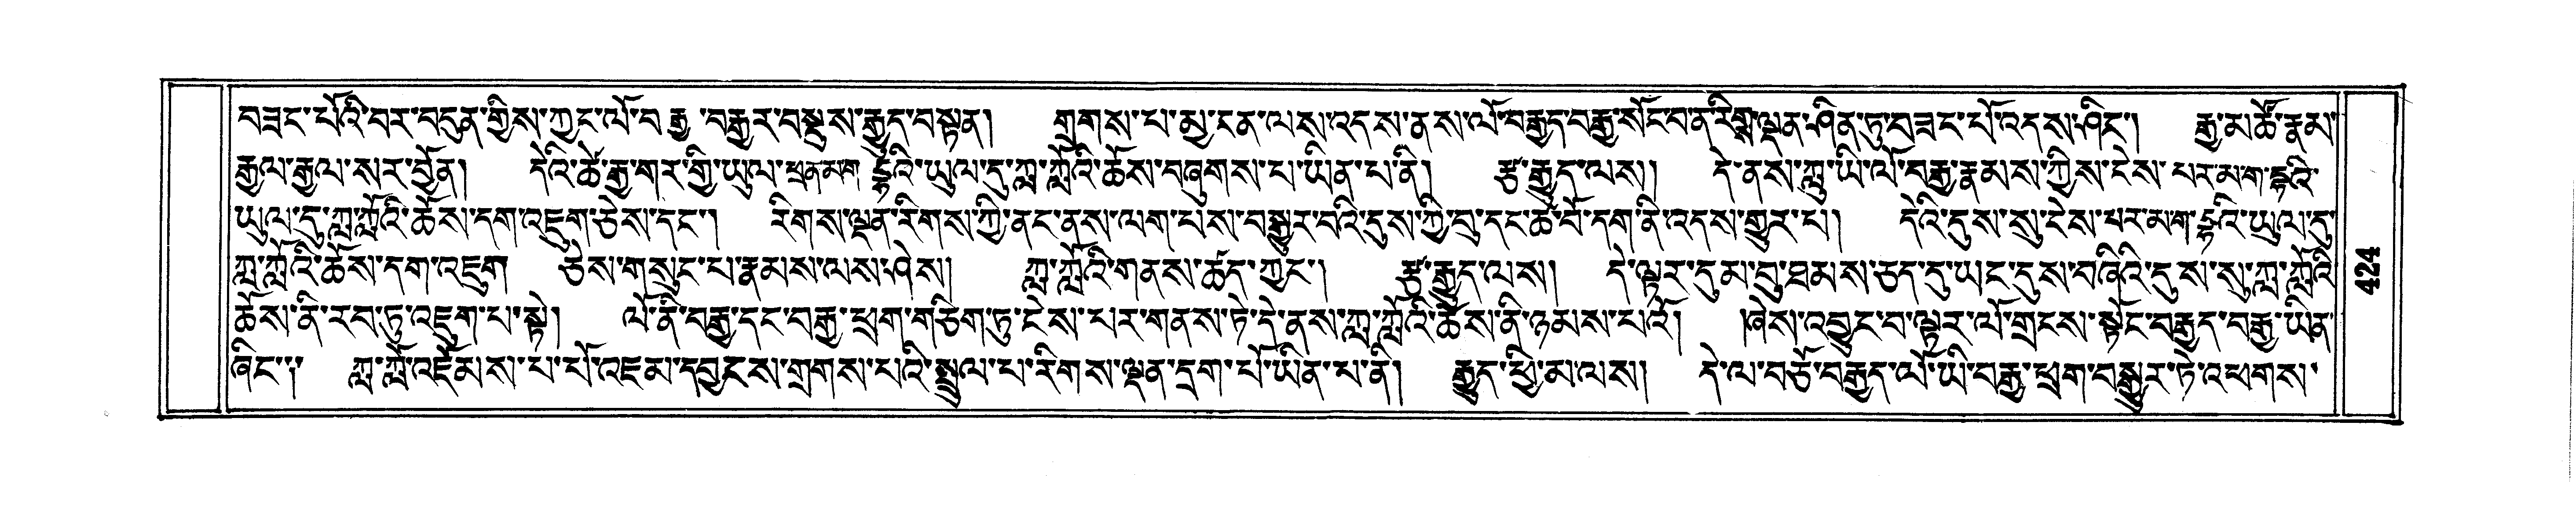བཟང་པོའི་བར་བདུན་གྱིས་ཀྱང་ལོ་བརྒྱ་བརྒྱར་བསྡུས་རྒྱུད་བསྟན། གྲགས་པ་མྱ་ངན་ལས་འདས་ནས་ལོ་བརྒྱད་བརྒྱ་སོང་བ་ན་རིགས་ལྡན་ཤིན་ཏུ་བཟང་པོ་འདས་ཤིང་། རྒྱ་མཚོ་རྣམ་
རྒྱལ་རྒྱལ་སར་བྱོན། དེའི་ཚེ་རྒྱ་གར་གྱི་ཡུལ་ཕྲན་མ་ག་དྷའི་ཡུལ་དུ་ཀླ་ཀློའི་ཆོས་བཞུགས་པ་ཡིན་པ་ནི། རྩ་རྒྱུད་ལས། དེ་ནས་ཀླུ་ཡི་ལོ་བརྒྱ་རྣམས་ཀྱིས་ངེས་པར་མ་ག་དྷའི་
ཡུལ་དུ་ཀླ་ཀློའི་ཆོས་དག་འཇུག་ཅེས་དང་། རིགས་ལྡན་རིགས་ཀྱི་ནང་ནས་ལག་པས་བསྒྱུར་བའི་དུས་ཀྱི་བུ་དང་ཚ་བོ་དག་ནི་འདས་གྱུར་པ། དེའི་དུས་སུ་ངེས་པར་མ་ག་དྷའི་ཡུལ་དུ་
ཀླ་ཀློའི་ཆོས་དག་འཇུག་ཅེས་གསུང་པ་རྣམས་ལས་ཤེས། ཀླ་ཀློའི་གནས་ཚད་ཀྱང་། རྩ་རྒྱུད་ལས། དེ་ལྟར་དུམ་བུ་ཐམས་ཅད་དུ་ཡང་དུས་བཞིའི་དུས་སུ་ཀླ་ཀློའི་
ཆོས་ནི་རབ་ཏུ་འཇུག་པ་སྟེ། ལོ་ནི་བརྒྱ་དང་བརྒྱ་ཕྲག་གཅིག་ཏུ་ངེས་པར་གནས་ཏེ་དེ་ནས་ཀླ་ཀློའི་ཆོས་ནི་ཉམས་པའོ། །ཞེས་འབྱུང་བ་ལྟར་ལོ་གྲངས་སྟོང་བརྒྱད་བརྒྱ་ཡིན་
ཞིང༑ ཀླ་ཀློ་འཇོམས་པ་པོ་འཇམ་དབྱངས་གྲགས་པའི་སྤྲུལ་པ་རིགས་ལྡན་དྲག་པོ་ཡིན་པ་ནི། རྒྱུད་ཕྱི་མ་ལས། དེ་ལ་བཅོ་བརྒྱད་ལོ་ཡི་བརྒྱ་ཕྲག་བསྒྱུར་ཏེ་འཕགས་